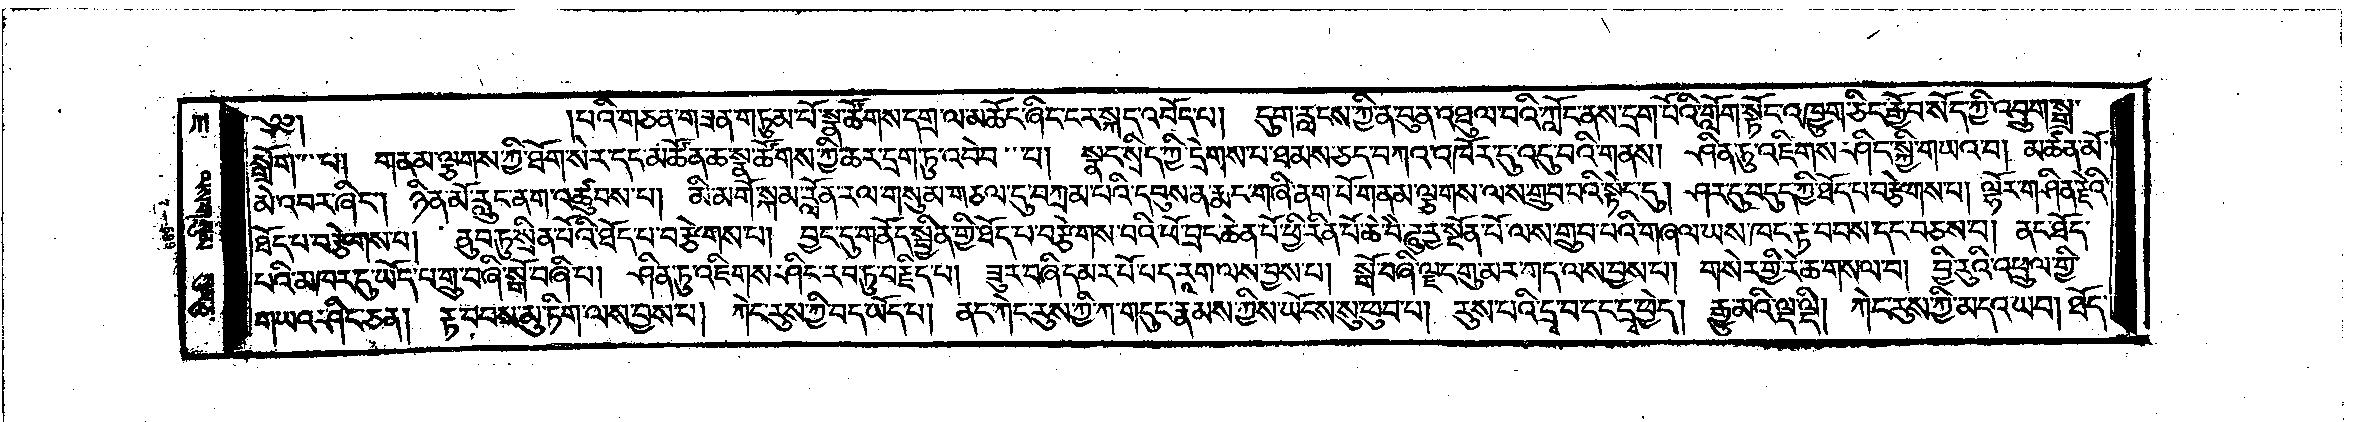༄༅། །པའི་གཅན་གཟན་གཏུམ་པོ་སྣ་ཚོགས་དགྲ་ལ་མཆོད་ཞིང་ངར་སྐད་འབོད་པ། དུག་རླངས་ཀྱི་ན་བུན་འཐུལ་བའི་ཀློང་ནས་དྲག་པོའི་གློག་སྟོང་འཁྱུག་ཅིང་རྒྱོབ་སོད་ཀྱི་འབྲུག་སྒྲ་
སྒྲོག་པ། གནམ་ལྕགས་ཀྱི་ཐོག་སེར་དང་མཚོན་ཆ་སྣ་ཚོགས་ཀྱི་ཆར་དྲག་ཏུ་འབེབ་པ། སྣང་སྲིད་ཀྱི་དྲེགས་པ་ཐམས་ཅད་བཀའ་འཁོར་དུ་འདུ་བའི་གནས། ཤིན་ཏུ་འཇིགས་ཤིང་སྐྱི་གཡའ་བ། མཚན་མོ་
མེ་འབར་ཞིང་། ཉིན་མོ་རླུང་ནག་འཚུབས་པ། མི་མགོ་སྐམ་རློན་རལ་གསུམ་གཅལ་དུ་བཀྲམ་པའི་དབུས་ན་རྨང་གཞི་ནག་པོ་གནམ་ལྕགས་ལས་གྲུབ་པའི་སྟེང་དུ། ཤར་དུ་བདུད་ཀྱི་ཐོད་པ་བརྩེགས་པ། ལྷོར་གཤིན་རྗེའི་
ཐོད་པ་བརྩེགས་པ། ནུབ་ཏུ་སྲིན་པོའི་ཐོད་པ་བརྩེགས་པ། བྱང་དུ་གནོད་སྦྱིན་གྱི་ཐོད་པ་བརྩེགས་པའི་ཕོ་བྲང་ཆེན་པོ་ཕྱི་རིན་པོ་ཆེ་བཻ་ཌཱུརྱ་སྔོན་པོ་ལས་གྲུབ་པའི་གཞལ་ཡས་ཁང་རྟ་བབས་དང་བཅས་པ། ནང་ཐོད་
བའི་མཁར་དུ་ཡོད་འགུ་བཞི་སྒོ་བཞི་བ། ཤིན་ཏུ་འཇིགས་ཤིང་རབ་ཏུ་བརྗིད་པ། ཟུར་བཞི་དམར་པོ་པད་རཱག་ལས་བྱས་པ། སྒོ་བཞི་ལྗང་གུ་མར་གད་ལས་བྱས་པ། གསེར་གྱི་རེ་ཆ་གསལ་བ། ཕྱི་རུའི་འཁྲུལ་གྱི་
གཡའ་ཤིང་ཅན། རྟ་བབས་མུ་ཏིག་ལས་བྱས་པ། ཀེང་རུས་ཀྱི་བད་ཡོད་པ། ནང་ཀེང་རུས་ཀྱི་ཀ་གདུང་རྣམས་ཀྱིས་ཡོངས་སུ་ཕུབ་པ། རུས་པའི་དྲྭ་བ་དང་དྲྭ་ཕྱེད། རྒྱུ་མའི་ལྔ་ལྡི། ཀེང་རུས་ཀྱི་མདའ་ཡབ། ཐོད་